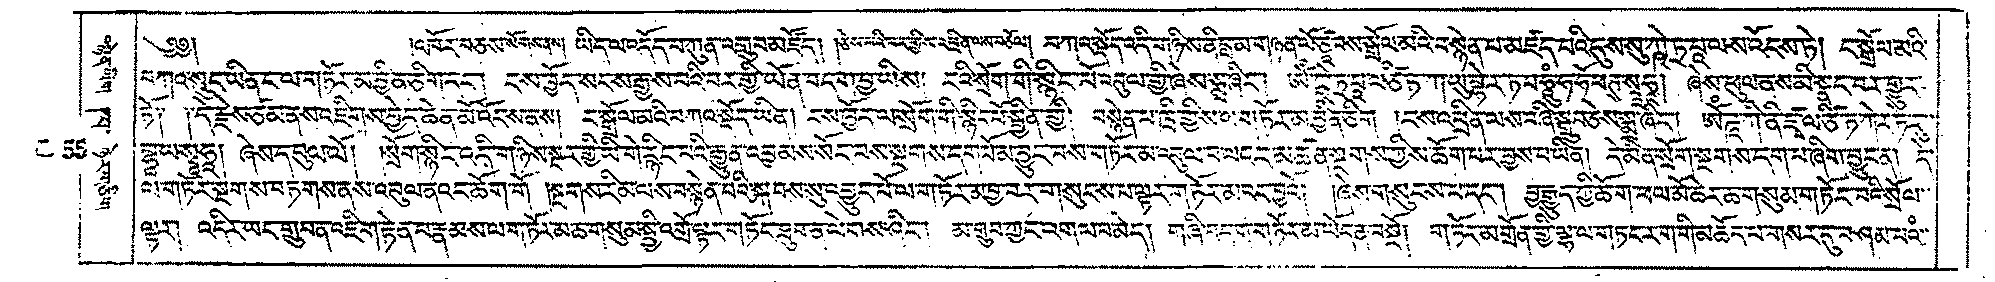༄༅། །འཁོར་བཅས་སོགས་ནས།  ཡིད་ལ་འདོད་པ་ཀུན་འགྲུབ་མཛོད། །ཅེས་པའི་བར་གྱིས་འཕྲིན་ལས་བཅོལ།  བཀའ་སྡོད་འདི་གཉིས་ནི་བླ་མ་གཉན་ལོ་ཙཱ་བས་སྒྲོལ་མའི་བསྙེན་པ་མཛད་པའི་དུས་སུ་ཀྵེ་ཏྲ་པཱ་ལས་འོངས་ཏེ། ང་སྒྲོལ་མའི་
བཀའ་སྲུང་ཡིན་ང་ལ་གཏོར་མ་བྱིན་ཅིག་དང་། ངས་ཁྱོད་སངས་རྒྱས་པའི་བར་གྱི་ཡོན་བདག་བྱ་ཡིས། ངའི་སྲོག་གི་སྙིང་པོ་འབུལ་གྱི་ཞེས་སྨྲ་ཞིང་། ཨོཾ་ཀྵེ་ཏྲ་པཱ་ལ་ཙི་ཏ་ཀ་ཡུ་བྷེ་ར་ཏ་པ་ཧཱུཾ་ཧ་ཧོ་ཕཌ་སྭཱཧཱ། ཞེས་ཕུལ་ནས་མི་སྣང་བར་གྱུར་
ཏོ༑ ༑དེ་རྗེས་ཙམ་ནས་འཇིགས་བྱེད་ཆེན་མོ་འོངས་ནས། ང་སྒྲོལ་མའི་བཀའ་སྡོད་ཡིན། ངས་ཁྱོད་ལ་སྲོག་གི་སྙིང་པོ་སྦྱིན་གྱི། བསྙེན་པ་ཁྲི་གྱིས་ལ་གཏོར་མ་བྱིན་ཅིག །ངས་འཕྲིན་ལས་བཞི་སྒྲུབ་ཅེས་སྨྲ་ཞིང་། ཨོཾ་ཌཱ་ཀི་ནི་ཛྭ་ལ་ཙི་ཏ་ཀེ་ར་ཏེ་རུ་་་
བྷཱ་ཡ་སྭཱཧཱ། ཞེས་དབུལ་ལོ། །སྲོག་སྙིང་འདི་གཉིས་སྔར་གྱི་ཡི་གེ་རྙིང་པའི་རྒྱུན་འབྱམས་སོང་བས་སྔགས་དག་པོ་མ་བྱུང་བས་གཏོར་མ་འབུལ་བ་ལའང་མཚན་སྔགས་ཀྱིས་ཆོག་པར་བྱས་པ་ཡིན། དེ་མིན་སྲོག་སྔགས་དག་པ་ཞིག་བྱུང་ན། དེ་
ལ་གཏོར་སྔགས་བཏགས་ནས་འབུལ་ནའང་ཆོག་གོ །སྔགས་རིམ་ལས་བསྙེན་པའི་སྐབས་སུ་འབྱུང་པོ་ལ་གཏོར་མ་བྱ་བར་གསུངས་པ་ལྟར་གཏོར་མའང་བྱའོ། །ཞེས་གསུངས་པ་དང་། བྱ་རྒྱུད་ཀྱི་ཆོ་ག་ཕལ་མོ་ཆེར་ཆ་གསུམ་གཏོང་བའི་སྲོལ་་་
ལྟར། འདིར་ཡང་གྲུབ་ན་འཇིག་རྟེན་པ་རྣམས་ལ་གཏོར་མ་ཆ་གསུམ་སྤྱི་འགྲོ་ལྟར་གཏོང་ཐུབ་ན་ལེགས་ཤིང་། མ་གྲུབ་ཀྱང་འགལ་བ་མེད། གཞི་བདག་གཏོར་མ་ཡོད་ན་བསྔོ། གཏོར་མགྲོན་གྱི་ལྷ་ལ་གཏང་རག་གི་མཆོད་པ་གསར་དུ་བཤམ་པའཾ་་་